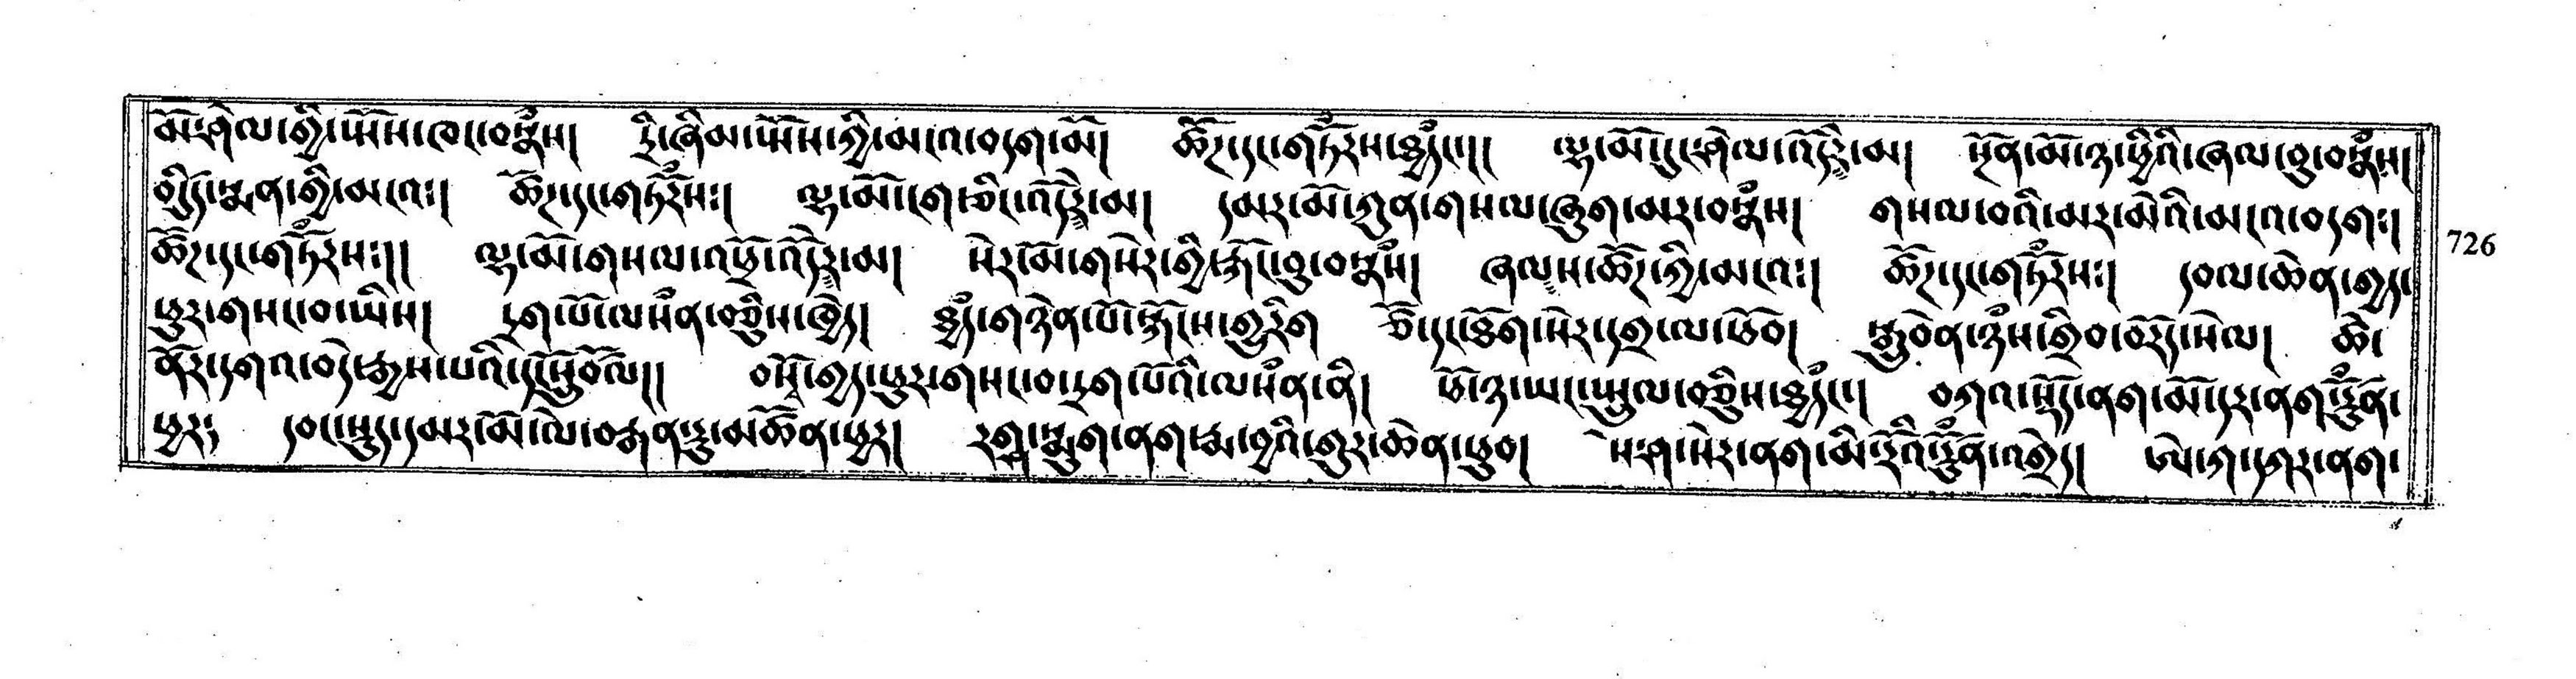མོ་ཤེལ་གྱི་སྤོས་ཁང་བསྣམས། དྲི་ཞིམ་སྤོས་ཀྱི་མངའ་བདག་མོ། ཚོགས་དང་གཏོར་མས་ཐུགས་དམ་བསྐང་།། ལྷ་མོ་དུང་ཤེལ་འོད་ཟེར་མ། སྔོན་མོ་ཉ་ཕྱིའི་ཞལ་བུ་བསྣམས། 
བདུད་རྩི་སྨན་གྱི་མངའ༴། ཚོགས་དང་གཏོར་མས༴། ལྷ་མོ་ངག་ཅིང་འོད་ཟེར་མ། དམར་མོ་ཀུན་གསལ་ཞུག་མར་བསྣམས། གསལ་བའི་མར་མེའི་མངའ་བདག༴། 
ཚོགས་དང་གཏོར་མས༴།། ལྷ་མོ་གསལ་འཕྲོ་འོད་ཟེར་མ། སེར་མོ་གསེར་གྱི་རྐོང་བུ་བསྣམས། ཞལ་ཟས་ཚོགས་ཀྱི་མངའ༴། ཚོགས་དང་གཏོར་མས༴། དབལ་ཆེན་གྱད་
ཕུར་གསང་བ་ཡིས། དྲག་པོ་ལས་མཁན་བཅུ་གཉིས་ཁྱེད། ཐུགས་དམ་གཉེན་པོ་སྐོངས་གྱུར་ཅིག ཙོ་དང་ཐོག་སེར་དགྲ་ལ་ཕོབ། སྒྲུབ་གཤེན་ཉམས་གྲིབ་བར་ཆོད་སེལ། ཚེ་
ནོར་དགའ་བདེ་རྒྱས་པའི་དངོས་གྲུབ་སྩོལ།། བསྭོ་གྱད་ཕུར་གསང་བ་དྲག་པོའི་ལས་མཁན་ནི། ཕོ་ཉ་ཡང་སྤྲུལ་བཅུ་གཉིས་ཐུགས་དམ་བསྐང་། བཀའ་སྡོད་ནག་མོ་དར་ནག་རུ་མཚོན་
ཕྱར། དབང་སྡུད་དམར་མོ་ལེ་བརྒན་རུ་མཚོན་ཕྱར། རགྴ་སྨུག་ནག་རྨ་བྱའི་གུར་ཆེན་ཕུབ། སེ་ཤ་སེར་ནག་མི་རོའི་རུ་མཚོན་འགྲེད། ཨེ་ཀ་དཀར་ནག་